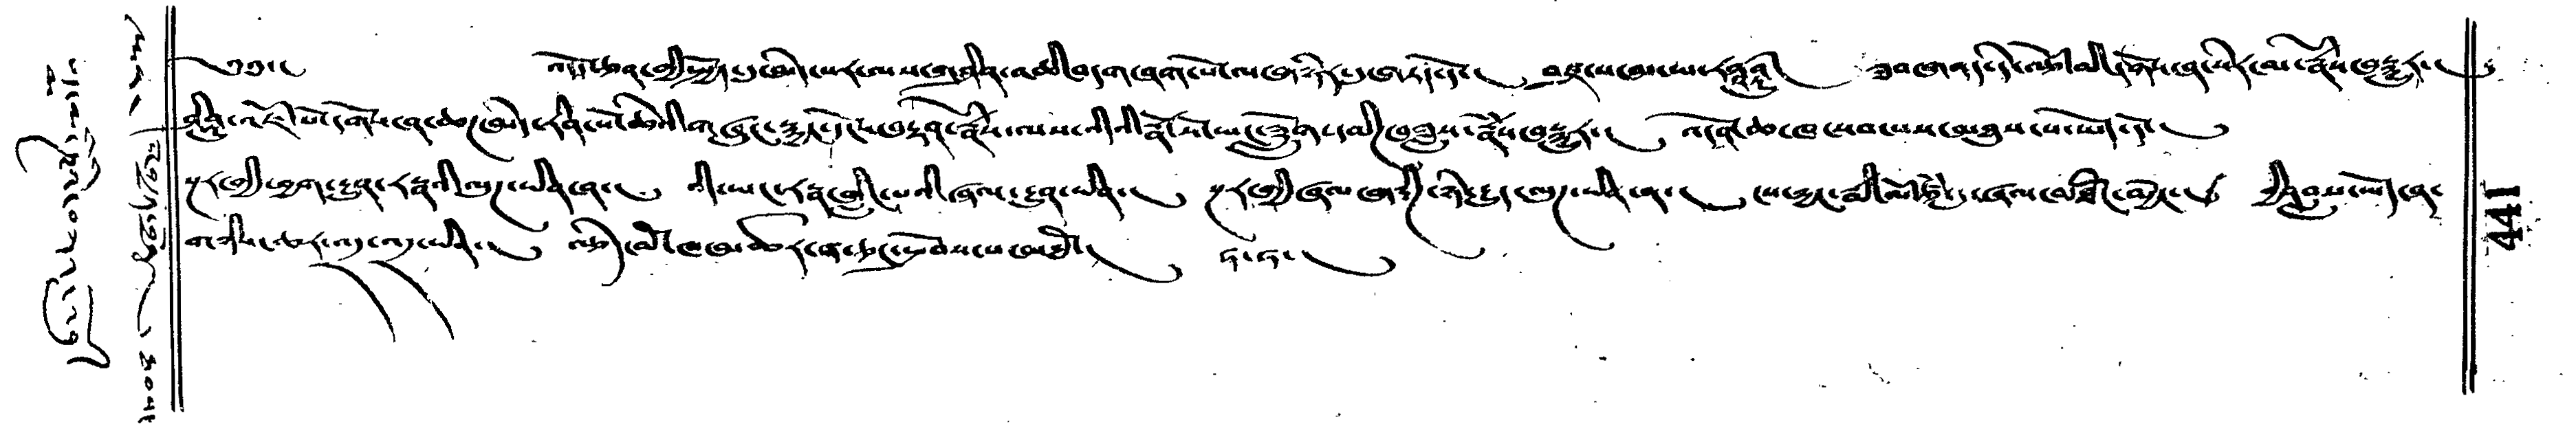འདོད་ཅན་གྱི་སྤྱོད་དུ་མེད་པར་ལས་གཤིན་འཆི་བདག་ནག་པོ་ལ་གཉེར་དུ་གཏད་དོ། །བཛྲ་ས་མ་ཡ་རཀྵནྟུ་འོ།། ཟབ་གནད་དེ་ཙམ་མི་དགོས་ན་སེར་མ་རྣམས་སྐྱུར། 
ཤིན་ཏུ་འཇམ་པོ་དགོས་ན་ཆགས་མེད་རིན་པོ་ཆེའི་གཞུང་རྐྱང་དངོས་བསྟན་རྣམས་ལས་འདིའི་རྣོ་སོ་ཡང་ཟློག་དམིགས་བཟླས་རྣམས་སྐྱུར། འདོན་ཆ་ཁ་བསབས་པས་མཐུས་པ་ཡོད་དོ། །
སྔར་གྱི་ཕྱག་རྒྱུན་རཏྣའི་ལུགས་ཡིན་ན། །འདི་ཡང་རཏྣ་གླིང་པའི་ཞལ་རྒྱུན་ཡིན། །སྔར་གྱི་ཞལ་གཟིགས་ཉེ་རྒྱུད་ལུགས་ཡིན་ན། །ངས་ཀྱང་རྨི་ལམ་ཙམ་དུ་ཞལ་མཐོང་མྱོང་། །བྱིན་རླབས་ཡོད་ན་
གཉིས་ཆར་འདྲ་འདྲ་ཡིན། །རྩེད་མོ་ཁ་མཚར་ཧ་ཅང་སྤོབས་པ་མཐོ།། ཧ་ཧ།། དགེའོ།།